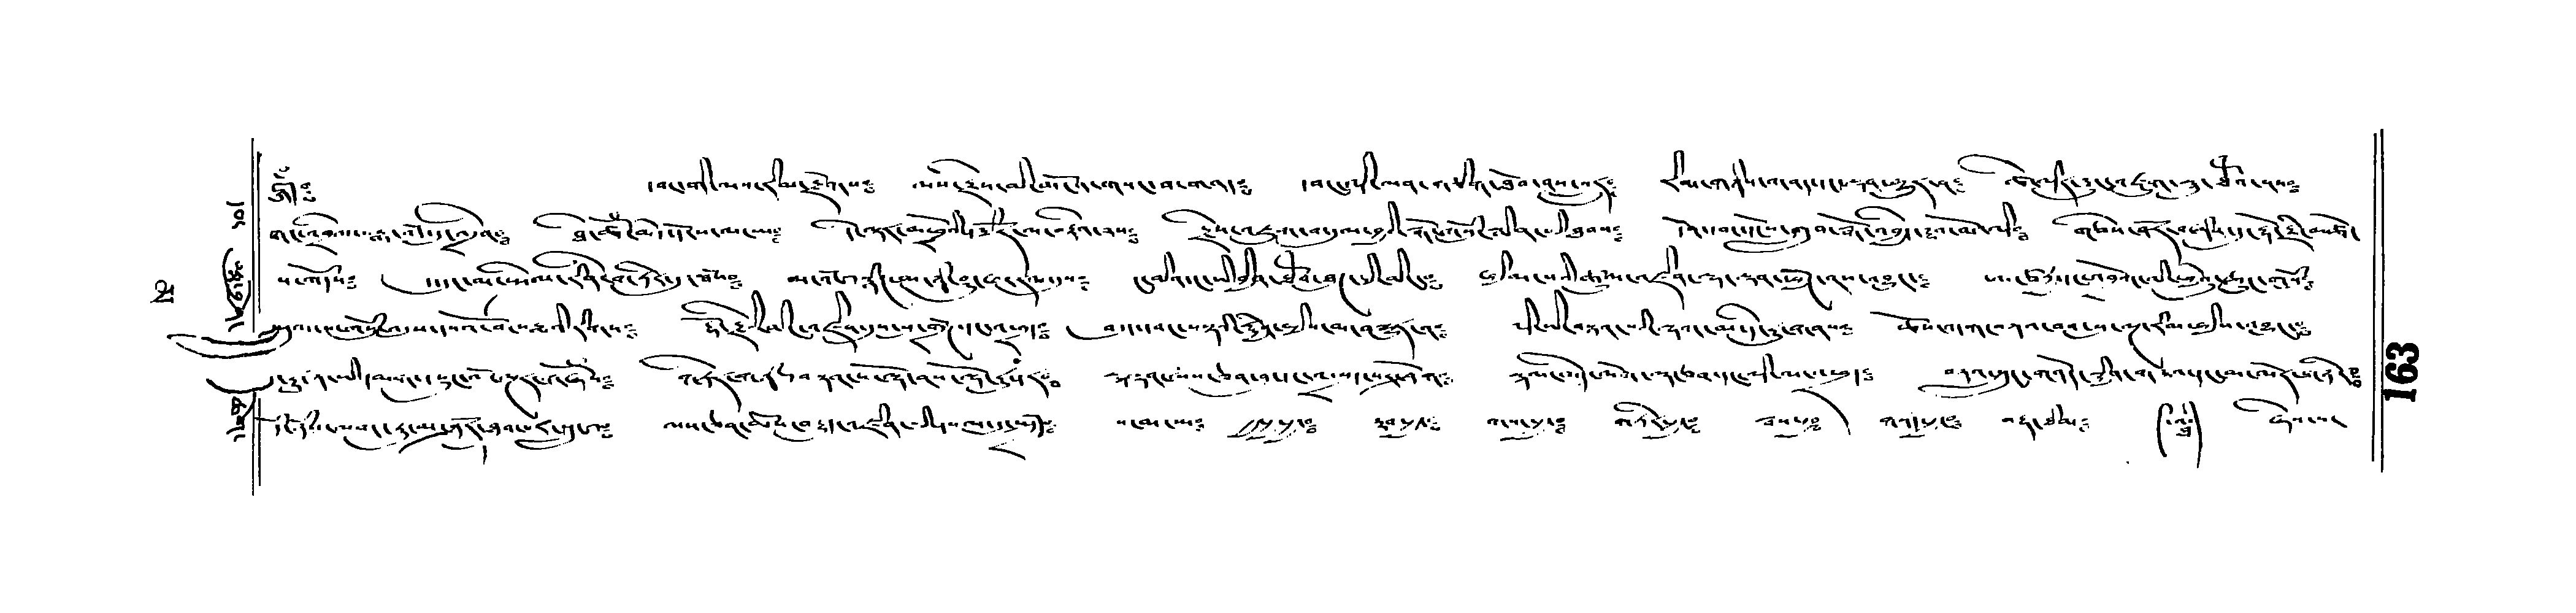དབང་གི་ལས་རིམ་རྫོགས༔ ལས་རྗེས་མི་མངོན་གསང་བ་གནད༔ དབང་འདི་ལན་གཅིག་ཐོབ་ནས་སླར༔ རིམ་གཉིས་གནད་དང་ལྡན་གྱུར་ན༔ ཚེ་འདིར་ཟུང་འཇུག་སྐུ་ཐོབ་ནས༔ 
གང་འབྲེལ་པདྨ་འོད་དུ་འདྲེན༔ ཐེ་ཚོམ་མེད་དོ་ས་མ་ཡ༔ དེ་ལྟར་མཁའ་འགྲོའི་དཀྱིལ་འཁོར་ལ་བརྟེན་ནས༔ རྗེས་འཇུག་གདུལ་བྱའི་སྒོ་གསུམ་སྨིན་པའི་ཐབས༔ དོན་དབང་དངོས་གྲུབ་སྒོ་འབྱེད་ཟབ་མོ་འདི༔ གཅེས་ནོར་བཞིན་དུ་རྡོ་རྗེ་མཚོ་
ལ་གདམས༔ ད་དུང་མ་སྤེལ་རིན་ཆེན་གཏེར་དུ་སྦོས༔ མ་འོངས་སྙིགས་མ་ཉི་ཤུ་ཁ་རལ་དུས༔ ང་མིན་ང་ཡི་བྱིན་ཐོབ་ཐུགས་ཀྱི་མིང༔ ཁྱིམ་པའི་ཚུལ་འཛིན་ལྷ་ལྡན་ཕྱོགས་ནས་འབྱུང༔ཨ་ཙརྻ་དང་འབྲོག་མི་ཁྱེའུ་ཆུང་གསུམ༔ 
སྤྲུལ་པ་གསུམ་འདུས་དཔའ་བོ་པདྨའི་རིགས༔ རྡོ་རྗེའི་མིང་འཛིན་དུས་སུ་གྲོགས་དང་འཕྲད༔ བདུད་དབང་སཔྟའི་རྐྱེན་གྱིས་མ་བསྒྱུར་ན༔ འདི་ཡི་བསྟན་པའི་ལྷག་མ་དེ་རུ་གནས༔ ཆོས་བདག་བཀའ་བབས་བུ་ལྔ་རིམ་གྱིས་འབྱུང༔ 
དུ་རུ་ཀ་ཡི་དམག་དཔུང་ལོ་ལྔར་གཞོམས༔ གཏེར་གཉིས་བསྟན་པ་ལྷོ་ནས་ལྷོ་རུ་དར༔ སྐལ་ལྡན་ལས་ཅན་བུ་དང་འཕྲད་པར་ཤོག༔ སྐལ་མེད་ལོག་ལྟ་ཅན་དང་འདི་མ་འཕྲད༔ བཀའ་སྲུང་གནོད་སྦྱིན་གཟའ་དང་མ་མོར་གཉེན༔ 
དམ་ཉམས་ལག་ཏུ་མ་ཤོར་ཐུབ་པར་སྲུངས༔ ལས་ཅན་ཆོས་བརྒྱུད་འཛིན་པའི་དཔལ་དུ་སྤྲོད༔ ས་མ་ཡ༔ རྒྱ་རྒྱ་རྒྱ༔ ཟབ་རྒྱ༔ གསང་རྒྱ༔ གཏེར་རྒྱ༔ སྦས་རྒྱ༔ གཏད་རྒྱ༔ བརྡ་ཐིམ༔ ༔ ཞེས་པ་